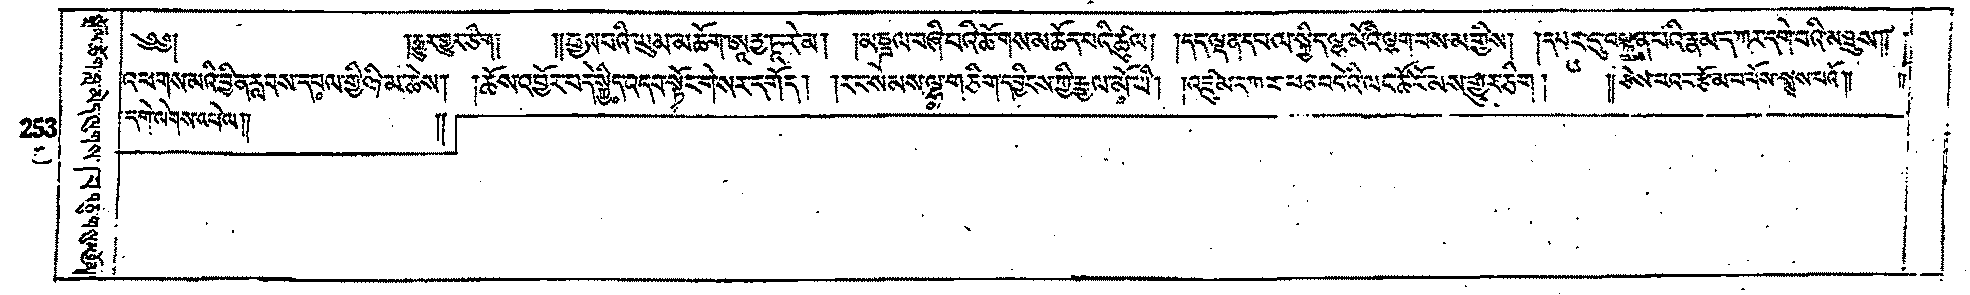༄༅། །རྒྱུར་གྱུར་ཅིག། །།རྒྱལ་བའི་ཡུམ་མཆོག་ཨཱརྱ་ཏཱ་རེ་མ། །མཎྜལ་བཞི་པའི་ཆོ་གས་མཆོད་པའི་ཚུལ། །དང་ལྡན་དཔལ་སྐྱིད་ལྷ་མོའི་ལྷག་བསམ་གྱིས། །དཔར་དུ་བསྐྲུན་པའི་རྣམ་དཀར་དགེ་བའི་མཐུས།།
འཕགས་མའི་བྱིན་རླབས་དཔལ྾་གྱི་ཉི་མ་ཆེས། །ཆོས་འབྱོར་བདེ་སྐྱིད྾་འདབ་སྟོང་གེ་སར་དགོད། །རང་སེམས་ལྷ྾་གཅིག་དབྱིངས་ཀྱི་རྒྱལ་མོ྾་ཡི། །འཛུམ་དཀར་ཕན་བདེའི་ལང་ཚོ་ངོམས་གྱུར་ཅིག། །།ཅེས་པའང་རྩོམ་པ་པོས་སྨྲས་པའོ།། །།
དགེ་ལེགས་འཕེལ།། །།